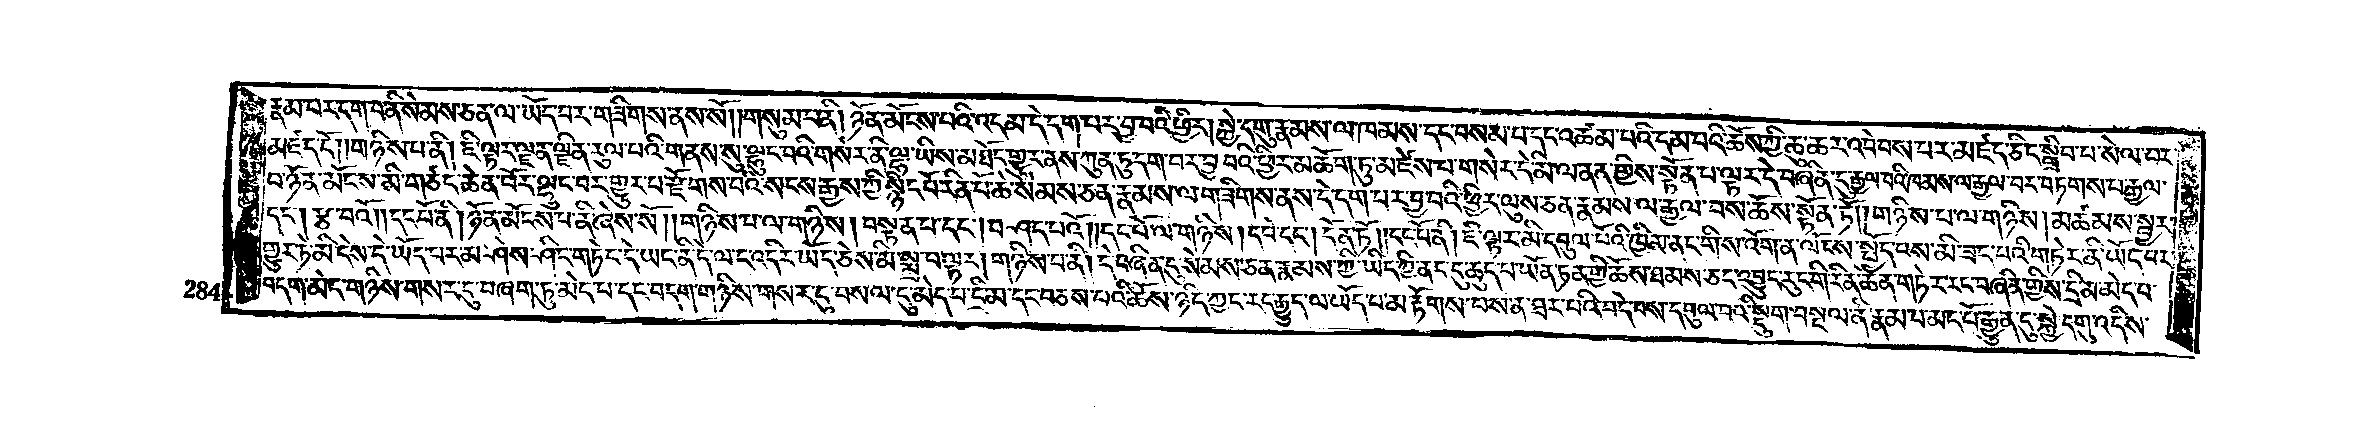རྣམ་པར་དག་པ་ནི་སེམས་ཅན་ལ་ཡོད་པར་གཟིགས་ནས་སོ། །གསུམ་པ་ནི། ཉོན་མོངས་པའི་འདམ་དེ་དག་པར་བྱ་བའི་ཕྱིར། སྐྱེ་དགུ་རྣམས་ལ་ཁམས་དང་བསམ་པ་དང་འཚམ་པའི་དམ་པའི་ཆོས་ཀྱི་ཆུ་ཆར་འབེབས་པར་མཛད་ཅིང་སྒྲིབ་པ་སེལ་བར་
མཛད་དོ། །གཉིས་པ་ནི། ཇི་ལྟར་ལྗན་ལྗིན་རུལ་པའི་གནས་སུ་ལྷུང་བའི་གསེར་ནི་ལྷ་ཡིས་མཐོང་གྱུར་ནས་ཀུན་ཏུ་དག་པར་བྱ་བའི་ཕྱིར་མཆོག་ཏུ་མཛེས་པ་གསེར་དེ་མི་ལ་ནན་གྱིས་སྟོན་པ་ལྟར་དེ་བཞིན་དུ་རྒྱལ་བའི་ཁམས་ལ་རྒྱལ་བར་བཏགས་པ་རྒྱལ་
བ་ཉོན་མོངས་མི་གཙང་ཆེན་པོར་ལྷུང་བར་གྱུར་པ་རྫོགས་པའི་སངས་རྒྱས་ཀྱི་སྙིང་པོ་རིན་པོ་ཆེ་སེམས་ཅན་རྣམས་ལ་གཟིགས་ནས་དེ་དག་པར་བྱ་བའི་ཕྱིར་ལུས་ཅན་རྣམས་ལ་རྒྱལ་བས་ཆོས་སྟོན་ཏོ། །གཉིས་པ་ལ་གཉིས། མཚམས་སྦྱར་
དང༑ རྩ་བའོ། །དང་པོ་ནི། ཉོན་མོངས་པ་ནི་ཞེས་སོ། །གཉིས་པ་ལ་གཉིས། བསྟན་པ་དང་། བཤད་པའོ། །དང་པོ་ལ་གཉིས། དཔེ་དང་། དོན་ཏོ། །དང་པོ་ནི། ཇི་ལྟར་མི་དབུལ་པོའི་ཁྱིམ་ནང་གིས་འོག་ན་ལོངས་སྤྱོད་པས་མི་ཟད་པའི་གཏེར་ནི་ཡོད་པར་
གྱུར་ཏེ་མི་ངེས་དེ་ཡོད་པར་མ་ཤེས་ཤིང་གཏེང་དེ་ཡང་ནི་དེ་ལ་ང་འདིར་ཡོད་ཅེས་མི་སྨྲ་བ་ལྟར། གཉིས་པ་ནི། དེ་བཞིན་དུ་སེམས་ཅན་རྣམས་ཀྱི་ཡིད་ཀྱི་ནང་དུ་ཆུད་པ་ཡོན་ཏན་གྱི་ཆོས་ཐམས་ཅད་འབྱུང་རུང་གི་རིན་ཆེན་གཏེར་རང་བཞིན་གྱིས་དྲི་མ་མེད་པ་
བདག་མེད་གཉིས་གསར་དུ་བཞག་ཏུ་མེད་པ་དང་བདག་གཉིས་གསར་དུ་བསལ་དུ་མེད་པ་དྲི་མ་དང་བཅས་པའི་ཆོས་ཉིད་ཀྱང་རང་རྒྱུད་ལ་ཡོད་པ་མ་རྟོགས་པས་ན་ཐར་པའི་བདེ་བས་དབུལ་བའི་སྡུག་བསྔལ་ནི་རྣམ་པ་མང་པོ་རྒྱུན་དུ་སྐྱེ་དགུ་འདིས་